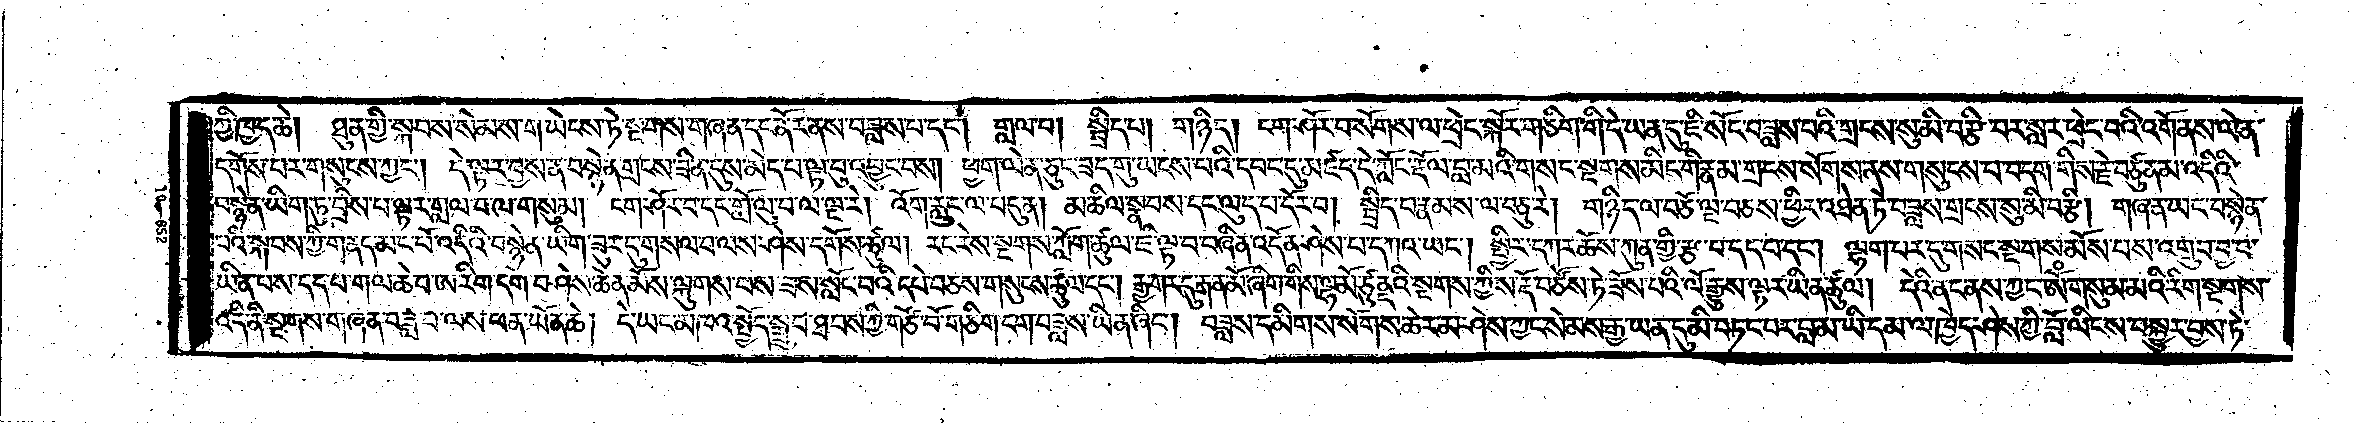ཀྱི་ཁྱད་ཆེ། ཐུན་གྱི་སྐབས་སེམས་གཡེངས་ཏེ་སྔགས་གཞན་དང་ནོར་ནས་བཟླས་པ་དང་། གླལ་བ། སྤྲིད་པ། གཉིད། ངག་ཤོར་བ་སོགས་ལ་ཕྲེང་སྐོར་གཅིག་གི་དེ་ཡན་དུ་ཇི་སོང་བཟླས་པའི་གྲངས་སུ་མི་བརྩི་བར་སླང་ཕྲེང་བའི་འགོ་ནས་ལེན་
དགོས་པར་གསུངས་ཀྱང་། དེ་ལྟར་བྱས་ན་བསྙེན་གྲངས་ཟིན་དུས་མེད་བལྟ་བུ་འབྱུང་བས། ཕྱག་ལེན་ཅུང་ཟད་གུ་ཡངས་པའི་དབང་དུ་མཛད་དེ་ཀློང་རྡོལ་བླ་མའི་གསང་སྔགས་མིང་གི་རྣམ་གྲབས་སོགས་ནས་གསུངས་པ་བདག་གིས་རྗེ་བཙུན་མ་འདིའི་
བསྙེན་ཡིག་ཏུ་བྲིས་པ་ལྟར་གླལ་བ་ལ་གསུམ། ངག་ཤོར་བ་དང་གློ་ལུ་བ་ལ་ལྔ་རེ། འོག་རླུང་ལ་བདུན། མཆིལ་སྣབས་དང་ལུད་པ་དོར་བ། སྦྲིད་པ་རྣམས་ལ་བཅུ་རེ། གཉིད་ལ་བཅོ་ལྔ་བཅས་ཕྱིར་འཐེན་ཏེ་བཟླས་གྲངས་སུ་མི་བརྩི། གཞན་ཡང་བསྙེན་
པའི་སྐབས་ཀྱི་གནད་མང་པོ་འདིའི་བསྙེན་ཡིག་ཟུར་དུ་གསལ་བ་ལས་ཤེས་དགོས་ཚུལ། རང་རེས་སྔགས་ཀློག་ཚུལ་ཇི་ལྟ་བ་བཞིན་འདོན་ཤེས་པ་དཀའ་ཡང་། སྤྱིར་དཀར་ཆོས་ཀུན་གྱི་རྩ་བ་དང་བ་དང་། ལྷག་པར་དུ་གསང་སྔགས་མོས་པས་འགྲུབ་བྱ་བ་
ཡིན་པས་དད་པ་གལ་ཆེ་བ་ཨ་རིག་དགེ་བཤེས་ཆེན་མོས་ལྐུགས་པས་ཟས་སློང་བའི་དཔེ་བཅས་གསུངས་ཚུལ་དང་། རྒྱ་གར་དུ་རྒན་མོ་ཞིག་གིས་ལྷ་མོ་ཙུནྡའི་སྔགས་ཀྱིས་རྡོ་བཙོས་ཏེ་ཟོས་པའི་ལོ་རྒྱུས་ལྟར་ཡིན་ཚུལ། དེའི་ནང་ནས་ཀྱང་ཨོཾ་གསུམ་མའི་རིག་སྔགས་
འདི་ནི་སྔགས་གཞན་བཟླ་བ་ལས་ཕན་ཡོན་ཆེ། དེ་ཡང་མཁའ་སྤྱོད་སྒྲུབ་ཐབས་ཀྱི་གཙོ་བོ་གཅིག་ངག་བཟླས་ཡིན་ཞིང་། བཟླས་དམིགས་སོགས་ཆེར་མ་ཤེས་ཀྱང་སེམས་རྒྱ་ཡན་དུ་མི་བཏང་བར་བླ་མ་ཡི་དམ་ལ་ཁྱེད་ཤེས་ཀྱི་བློ་ལིངས་བསྐྱུར་བྱས་ཏེ་